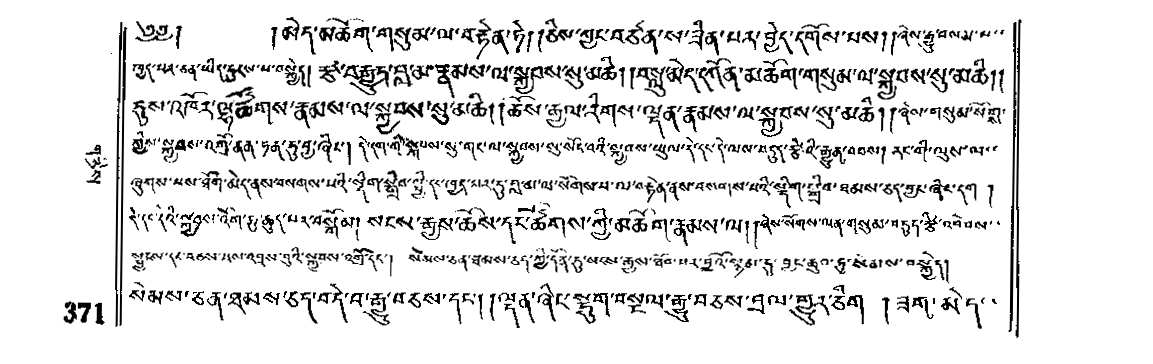༄༅། །མེད་མཆོག་གསུམ་ལ་བརྟེན་ཏེ། །ཅིས་ཀྱང་བཙན་ས་ཟིན་པར་བྱེད་དགོས་པས། །ཞེས་རྒྱུ་བསམ་པ་
ཁྱད་པར་ཅན་ཡིད་དུངས་པ་བསྐྱེད། རྩ་བརྒྱུད་བླ་མ་རྣམས་ལ་སྐྱབས་སུ་མཆི། །བསླུ་མེད་དཀོན་མཆོག་གསུམ་ལ་སྐྱབས་སུ་མཆི།།
དུས་འཁོར་ལྷ་ཚོགས་རྣམས་ལ་སྐྱབས་སུ་མཆི། །ཆོས་རྒྱལ་རིགས་ལྡན་རྣམས་ལ་སྐྱབས་སུ་མཆི། །ཞེས་གསུམ་སོགས་
ཀྱིས་སྐྱབས་འགྲོ་ནན་ཏན་དུ་བྱ་ཞིང་། དེ་དག་གི་སྐབས་སུ་གང་ལ་སྐྱབས་སུ་སོང་བའི་སྐྱབས་ཡུལ་དེ་དང་དེ་ལས་བདུད་རྩིའི་རྒྱུན་བབས། རང་གི་ལུས་ལ་
ཞུགས་པས་ཐོག་མེད་ནས་བསགས་པའི་སྡིག་སྒྲིབ་སྤྱི་དང་ཁྱད་པར་དུ་བླ་མ་ལ་སོགས་ལ་བརྟེན་ནས་བསགས་པའི་སྡིག་སྒྲིབ་ཐམས་ཅད་བྱང་ཞིང་དག །
དེ་དང་དེའི་སྐྱབས་འོག་ཏུ་ཆུད་པར་བསྒོམ། སངས་རྒྱས་ཆོས་དང་ཚོགས་ཀྱི་མཆོག་རྣམས་ལ། །ཞེས་སོགས་ལན་གསུམ་བདུད་རྩི་འབེབས་
སྦྱངས་དང་བཅས་པས་འབྲས་བུའི་སྐྱབས་འགྲོ་དང་། སེམས་ཅན་ཐམས་ཅད་ཀྱི་དོན་དུ་སངས་རྒྱས་ཐོབ་པར་བྱའོ་སྙམ་དུ་བྱང་ཆུབ་ཏུ་སེམས་བསྐྱེད།
སེམས་ཅན་ཐམས་ཅད་བདེ་བ་རྒྱུ་བཅས་དང་། ལྡན་ཞིང་སྡུག་བསྔལ་རྒྱུ་བཅས་བྲལ་གྱུར་ཅིག །ཟག་མེད་